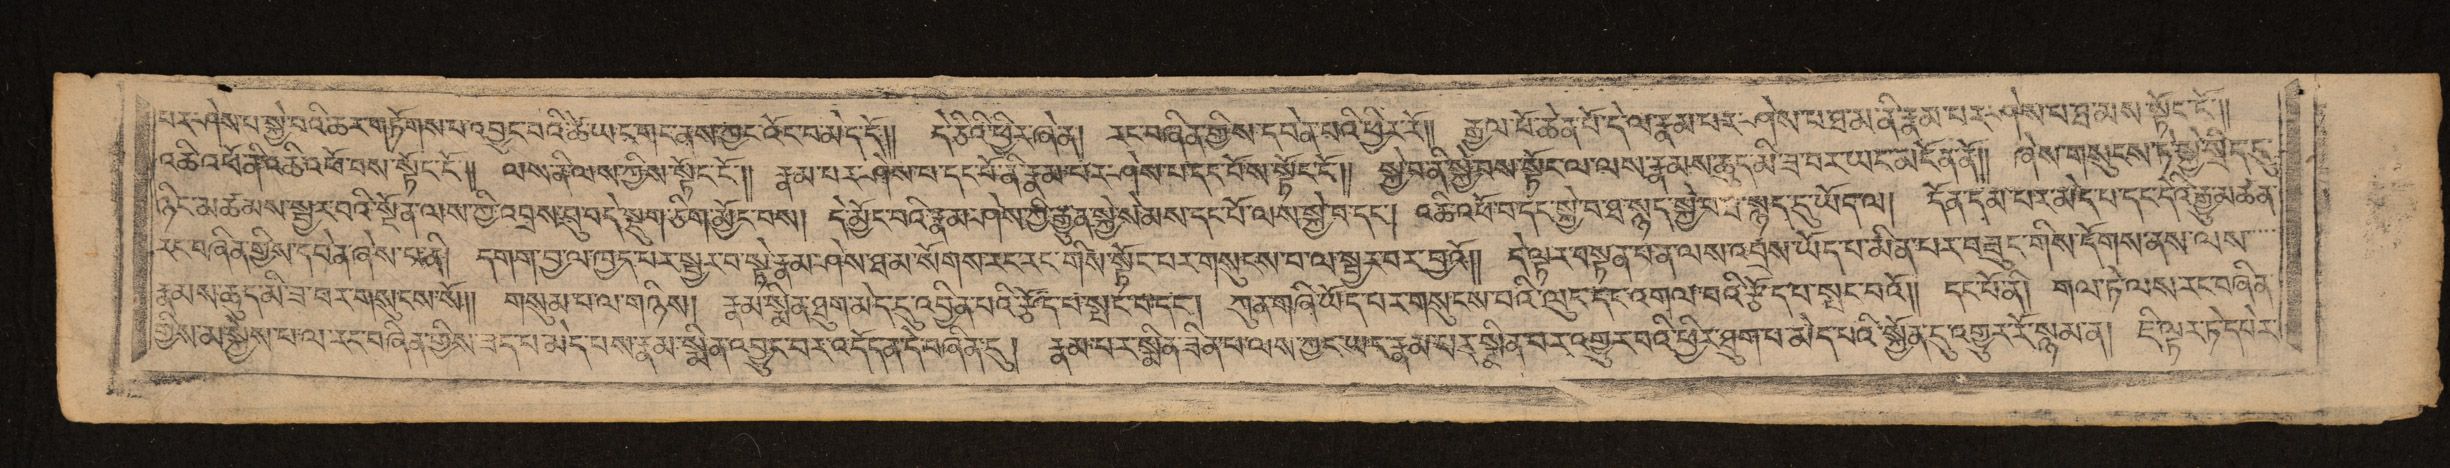པར་ཤེས་པ་སྐྱེ་བའི་ཆར་གཏོགས་པ་འབྱུང་བའི་ཚེ་ཡང་གང་ནས་ཀྱང་འོང་བ་མེད་དོ།། དེ་ཅིའི་ཕྱིར་ཞེ་ན། རང་བཞིན་གྱིས་དབེན་པའི་ཕྱིར་རོ།། རྒྱལ་པོ་ཆེན་པོ་དེ་ལ་རྣམ་པར་ཤེས་པ་ཐ་མ་ནི་རྣམ་པར་ཤེས་པ་ཐ་མས་སྟོང་ངོ།།
འཆི་འཕོ་ནི་འཆི་འཕོ་བས་སྟོང་ངོ།། ལས་ནི་ལས་ཀྱིས་སྟོང་ངོ།། རྣམ་པར་ཤེས་པ་དང་པོ་ནི་རྣམ་པར་ཤེས་པ་དང་པོས་སྟོང་ངོ།། སྐྱེ་བ་ནི་སྐྱེ་བས་སྟོང་ལ་ལས་རྣམས་ཆུད་མི་ཟ་བར་ཡང་མངོན་ནོ།། ཞེས་གསུངས་ཏེ་སྐྱེ་སྲིད་དུ་
ཉིང་མཚམས་སྦྱར་བའི་སྔོན་ལས་ཀྱི་འབྲས་བུ་བདེ་སྡུག་ཅིག་མྱོང་བས། དེ་མྱོང་བའི་རྣམ་ཤེས་ཀྱི་རྒྱུན་སྐྱེ་སེམས་དང་པོ་ལས་སྐྱེ་བ་དང་། འཆི་འཕོ་བ་དང་སྐྱེ་བ་ཐ་སྙད་དུ་ཡོད་ལ། དོན་དམ་པར་མེད་པ་དང་དེའི་རྒྱུ་མཚན་
རང་བཞིན་གྱིས་དབེན་ཞེས་པ་ནི། དགག་བྱ་ལ་ཁྱད་པར་སྦྱར་བ་སྟེ་རྣམ་ཤེས་ཐ་མ་སོགས་རང་རང་གིས་སྟོང་པར་གསུངས་པ་ལ་སྦྱར་བར་བྱའོ།། དེ་ལྟར་བསྟན་པ་ན་ལས་འབྲས་ཡོད་པ་མིན་པར་བཟུང་གིས་དོགས་ནས་ལས་
རྣམས་ཆུད་མི་ཟ་བར་གསུངས་སོ།། གསུམ་པ་ལ་གཉིས། རྣམ་སྨིན་ཐུག་མེད་དུ་འབྱིན་པའི་རྩོད་པ་སྤང་བ་དང་། ཀུན་གཞི་ཡོད་པར་གསུངས་པའི་ལུང་དང་འགལ་བའི་རྩོད་པ་སྤང་བའོ།། དང་པོ་ནི། གལ་ཏེ་ལས་རང་བཞིན་
གྱིས་མ་སྐྱེས་པ་ལ་རང་བཞིན་གྱིས་ཟད་པ་མེད་པས་རྣམ་སྨིན་འབྱུང་བར་འདོད་ན་དེ་བཞིན་དུ། རྣམ་པར་སྨིན་ཟིན་པ་ལས་ཀྱང་ཡང་རྣམ་པར་སྨིན་པར་འགྱུར་བའི་ཕྱིར་ཐུག་པ་མེད་པའི་སྐྱོན་དུ་འགྱུར་རོ་སྙམ་ན། ཇི་ལྟར་ཏེ་དཔེར་